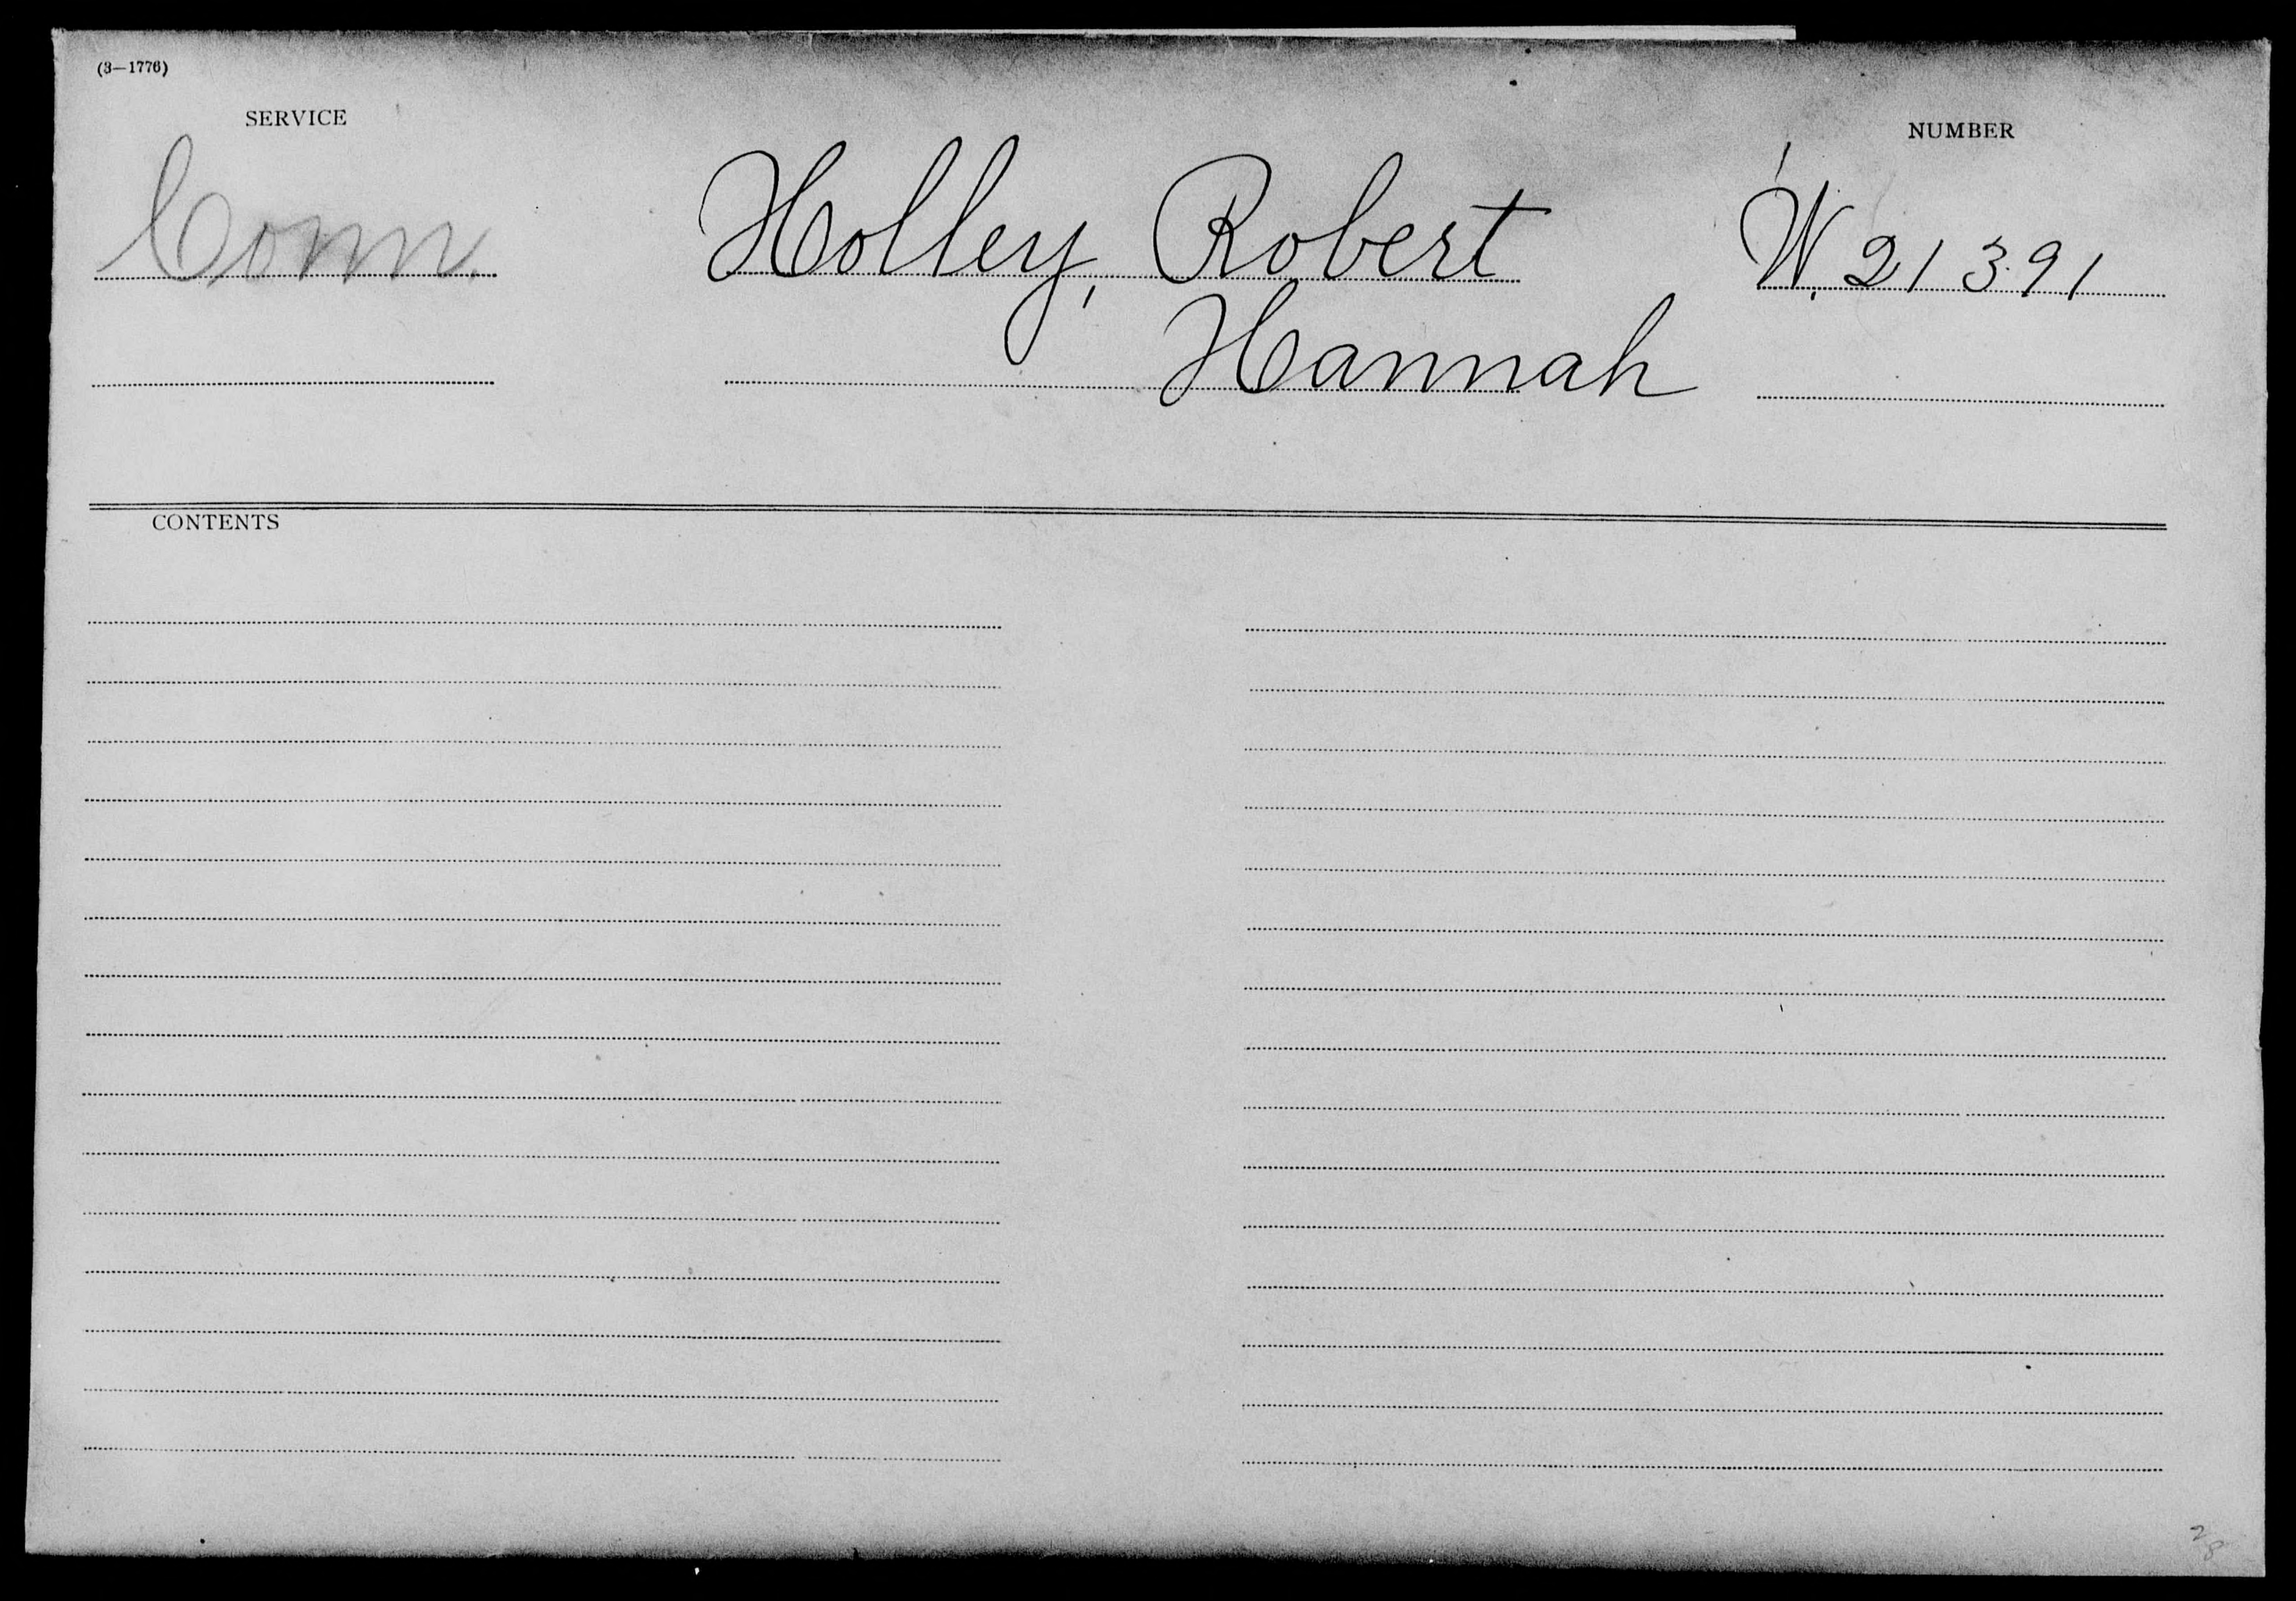(3-1776)
SERVICE
Conn.      

Holley, Robert    
Hannah

NUMBER
 W. 21391

CONTENTS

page: 1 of 62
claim: widow's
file: W. 21391, Robert Holley, Conn.